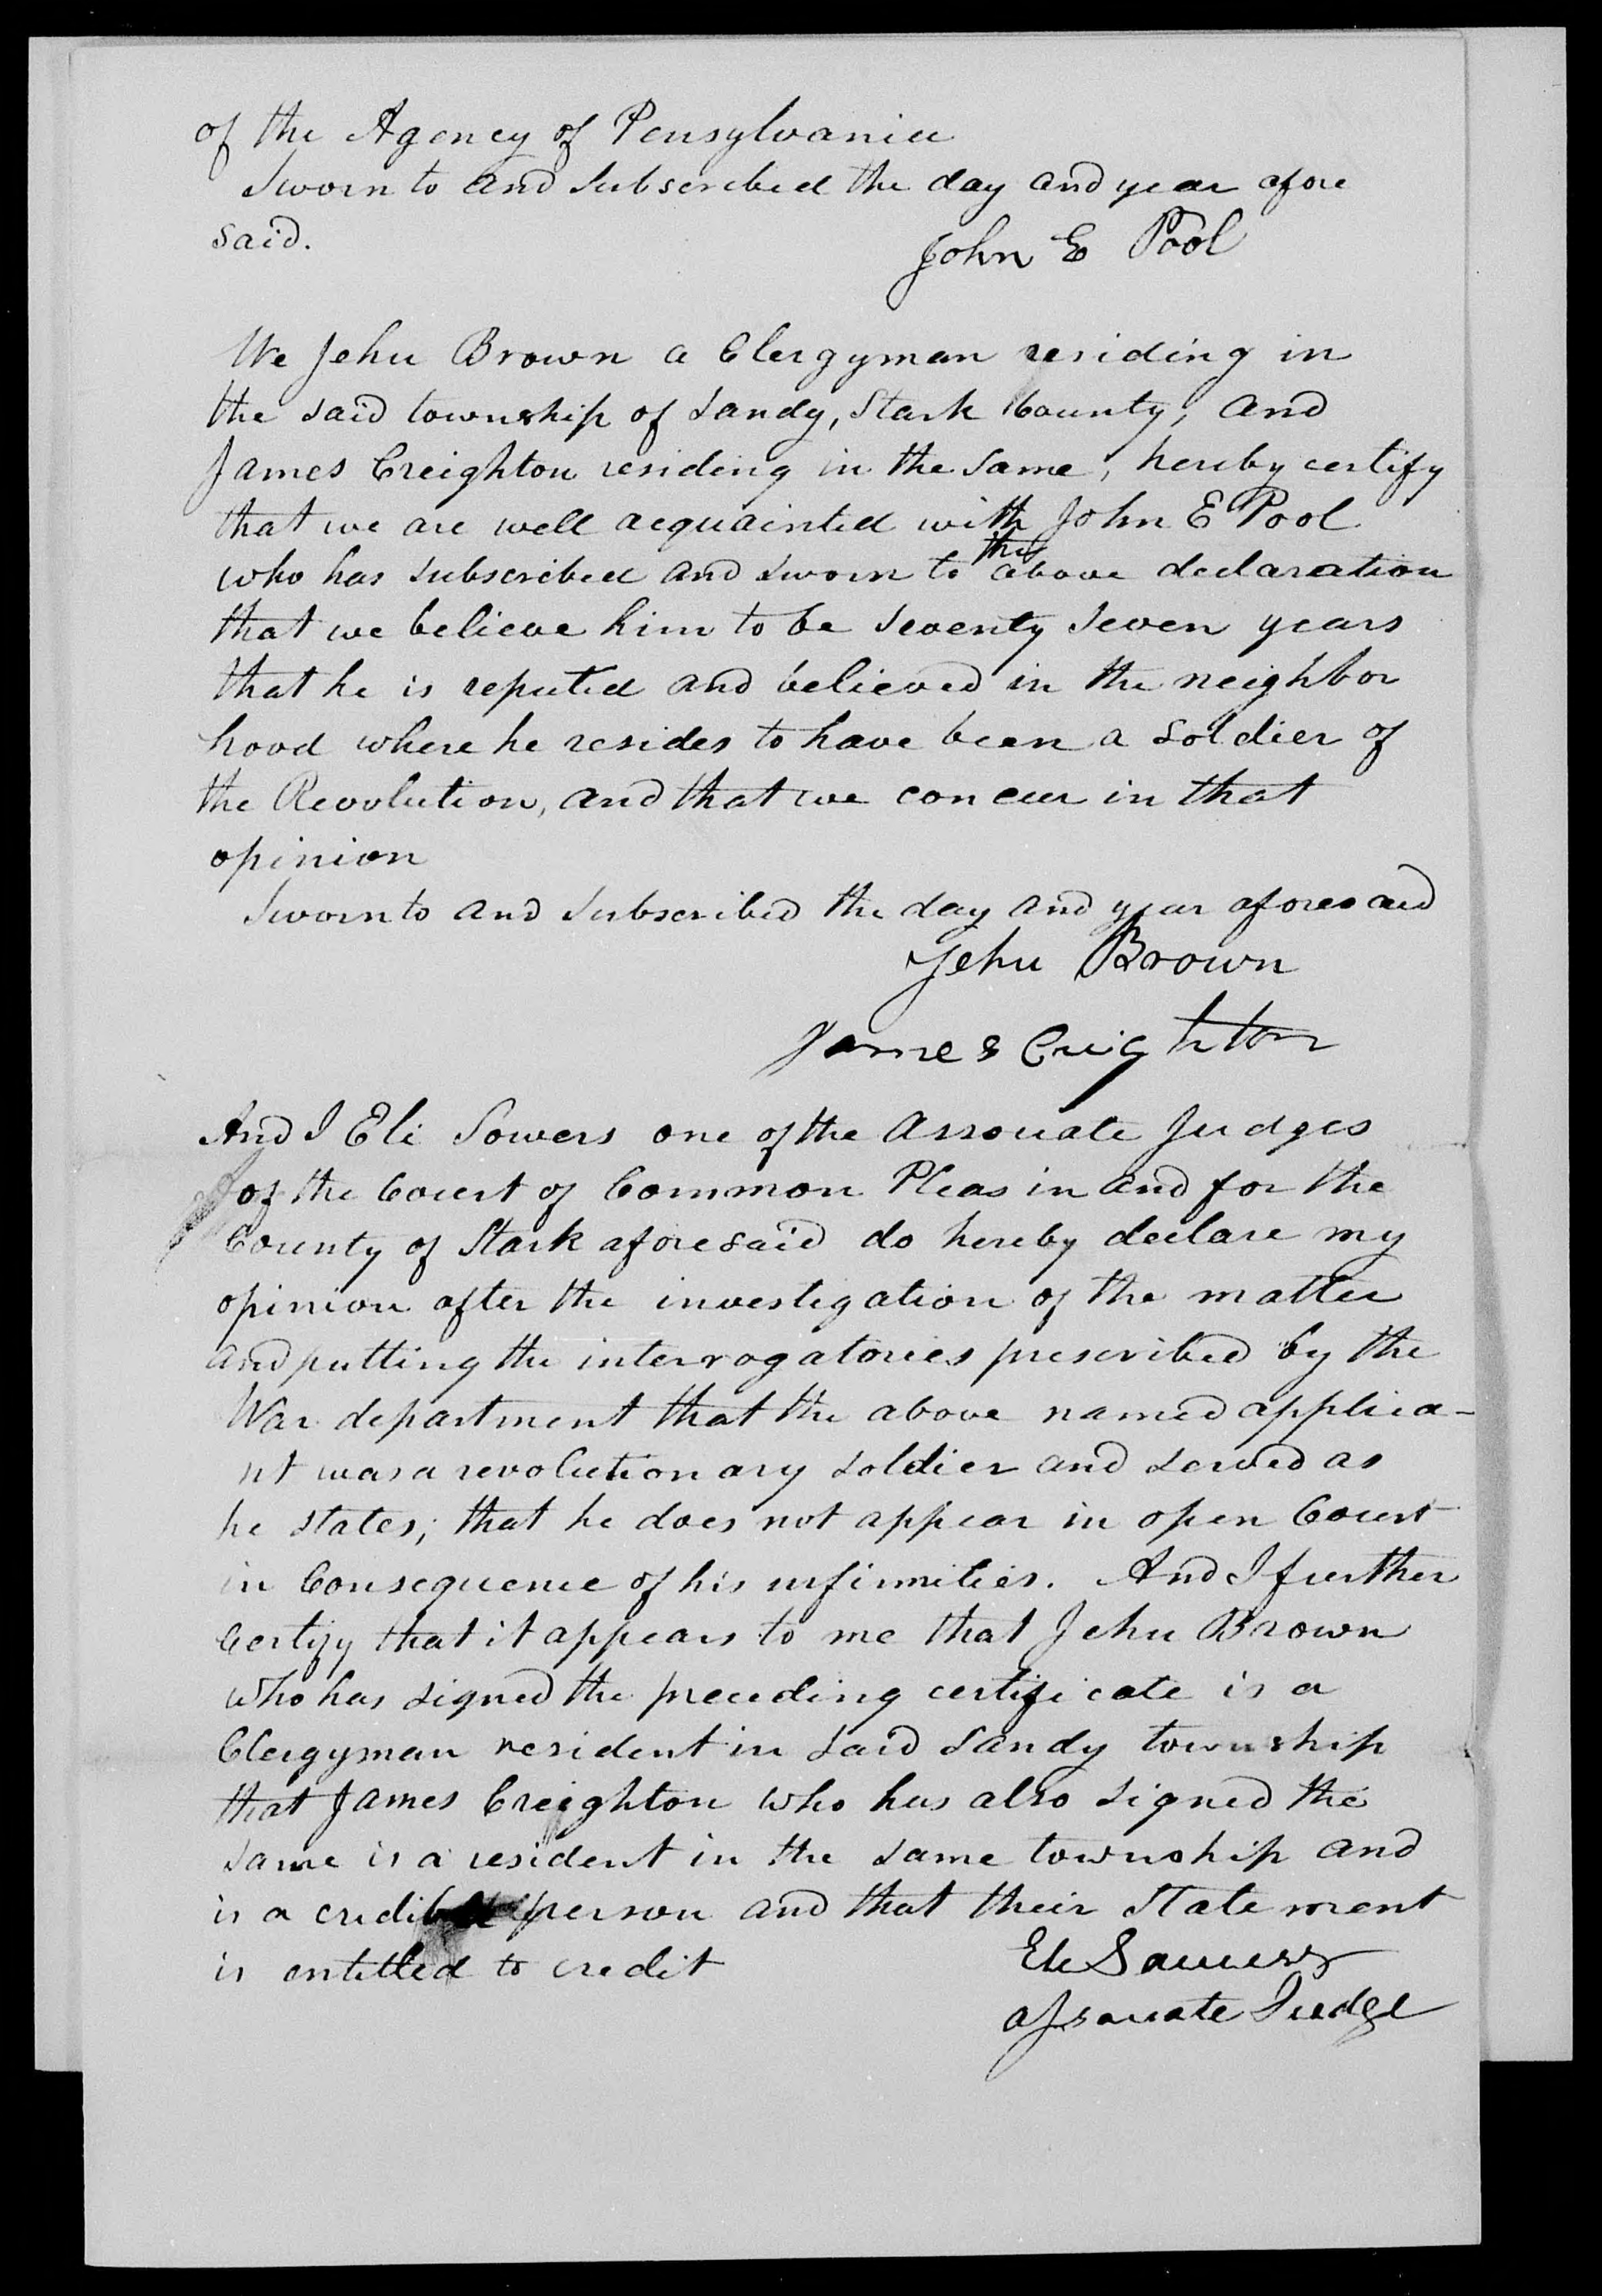of the Agency of Pennsylvania
Sworn to and subscribed the day and year aforesaid
John E Pool

We John Brown a clergyman residing in the said township of Sandy, Stark County, and James Creighton residing in the same, hereby certify that we are well acquainted with John E Pool, who had subscribed and sworn to the above declaration that we believe him to be seventy seven years, that he is respected and believed in the neighborhood where he resides to have been a soldier of the Revolution, and that we concur in that opinion.
Sworn to and subscribed the day and year aforesaid.
John Brown (signature)
James Creighton (signature)

And I Eli Sowers one of the Associate Judges for the Court of Common Pleas in and for the County of Stark aforesaid do hereby declare my opinion after the investigation of the matter and putting the interrogatories prescribed by the War Department that the above named applicants was a revolutionary soldier and served as he states; that he does not appear in open court in consequence of his infirmities.  And I further certify that it appears to me that John Brown who has signed the preceding certificate is a clergyman resident in said Sandy Township.  That James Creighton who has also signed the same is a resident in the same township and is a credible person and that their statement is entitled to credit.

Eli Sowers
Associate Judge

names: James Creighton; Eli Sowers; John E Pool; John Brown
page: 5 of 22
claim: rejected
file: R. 8,319, for John Engle Pool, Pennsylvania